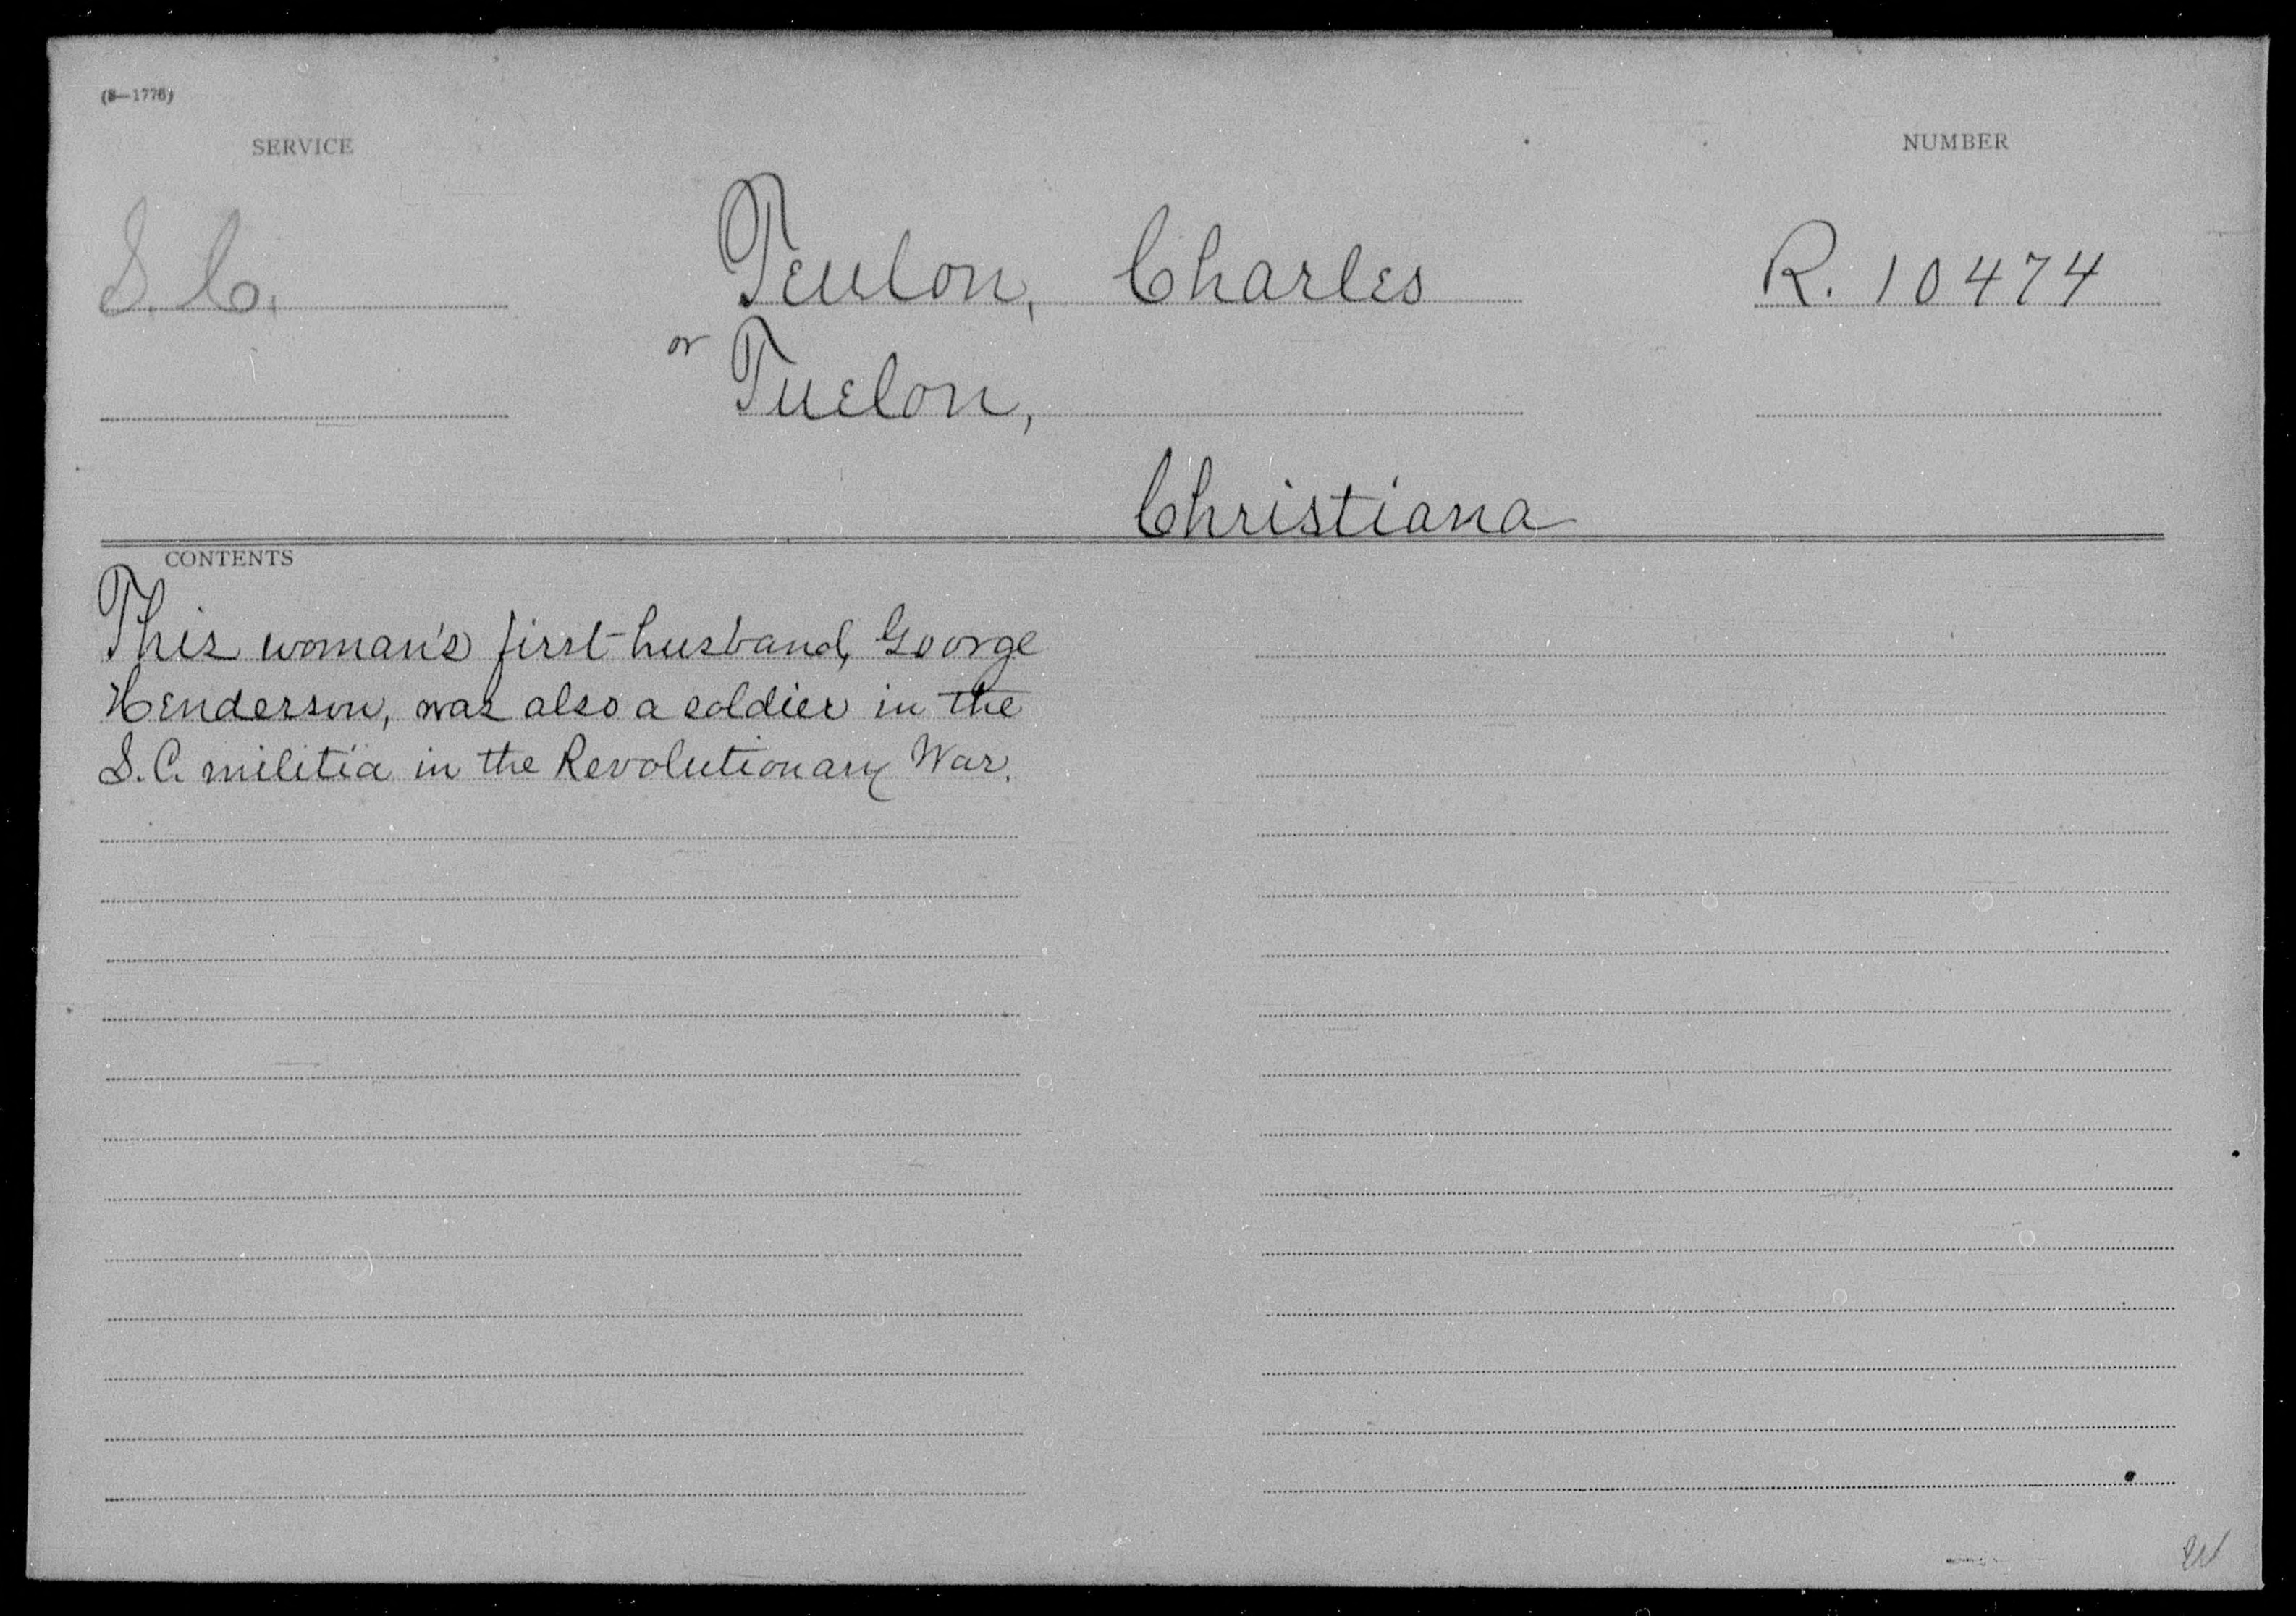Service      Teulon, Charles  Number 
S. lo.          or Tuelon,          R.10474
                  Christiana

Contents
This woman's first husband, George Henderson, was also a soldier in the S. C. militia in the Revolutionary War.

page: 1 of 19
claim: rejected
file: R. 10474, for Charles Teulon, South Carolina